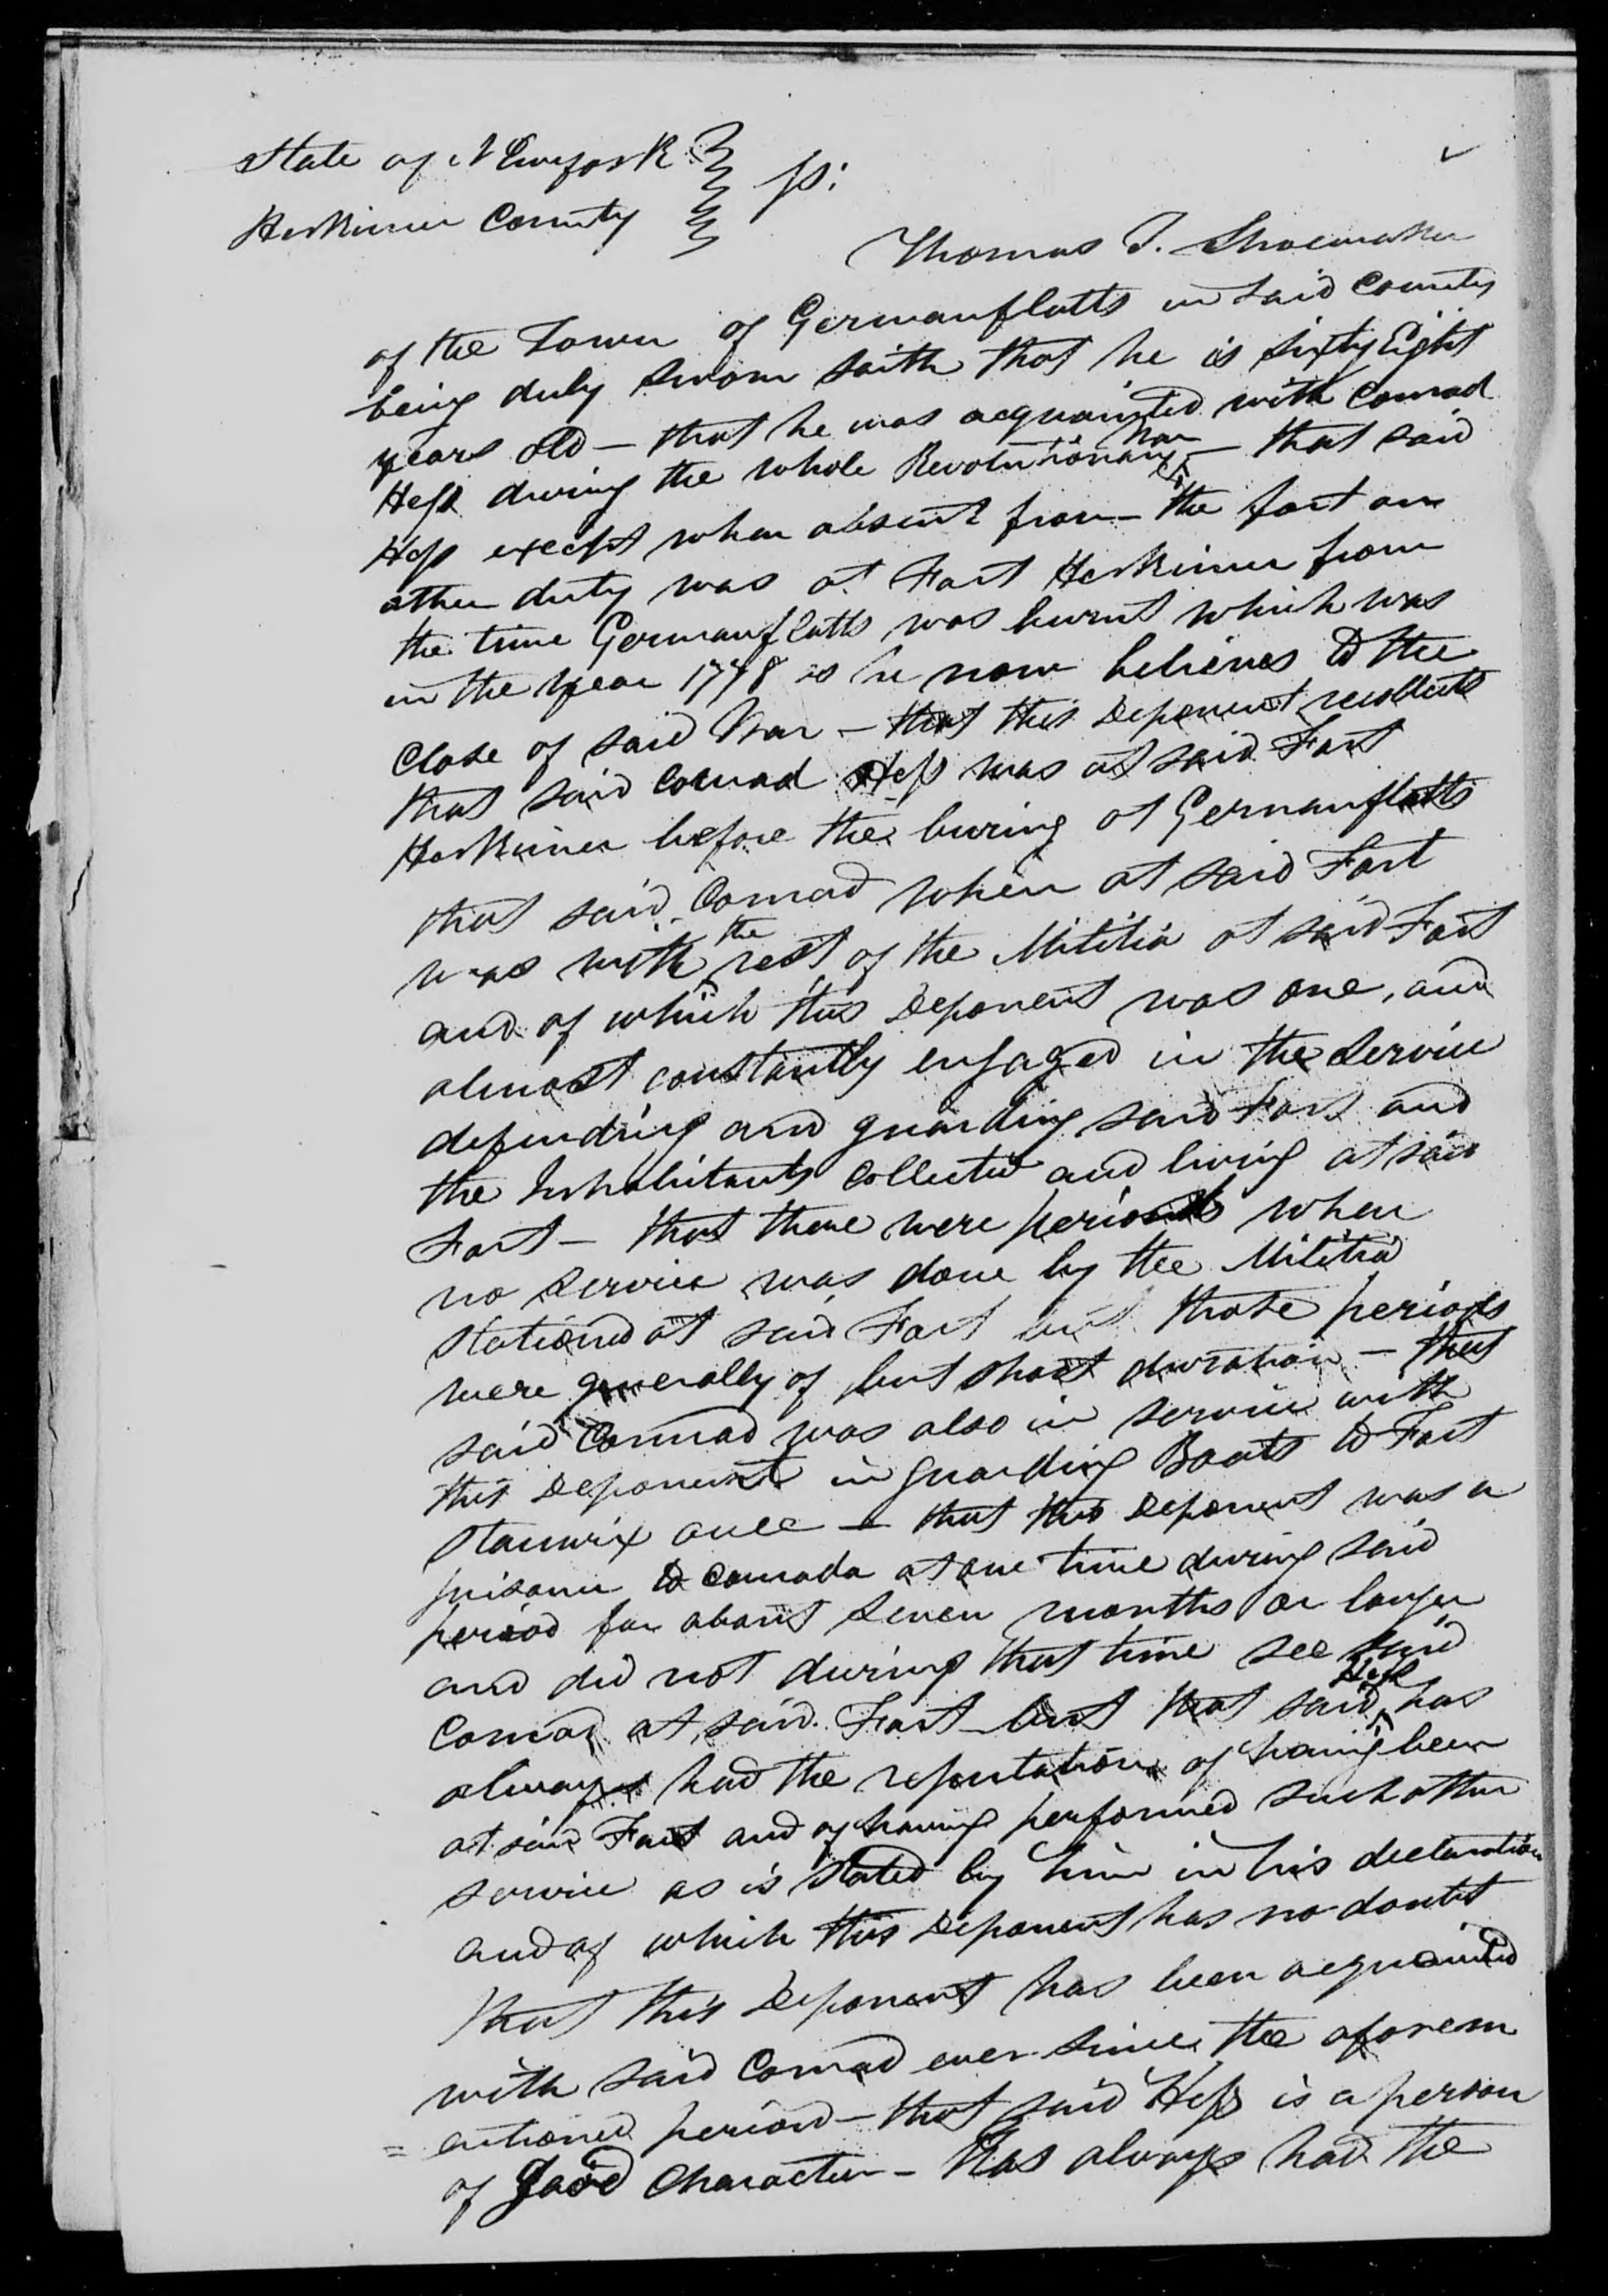[handwritten]

State of New York}
Herkimer County } SS.
Thomas T. Shoemaker of the Town of Germanflatts in said county being duly sworn saith that he is Sixty Eight years old - that he was acquainted with Conrad Hess during the whole Revolutionary ^[insert] War - that said Hess [?] when about from the Fort on other duty was at Fort Herkimer from the time Germanflatts was burnt which was in the year 1778 [?] now believes to the close of said War - that this deponent recollects that said Conrad Hess was at said Fort Herkimer before the burning of Germanflatts that said Conrad when at said Fort was with ^[insert] the rest of the militia of said Fort and of which this deponent was one and almost constantly engaged in the service defending and guarding said Fort and the Inhabitants collected and living at said Fort - that there were periods when no service was done by the militia stationed at said Fort but those periods were generally of but short duration - that said Conrad was also in service with this deponent in guarding Boats to Fort Stanwix once - that this deponent was a [?] to Canada at one time during said period for about seven months or longer and did not during that time see said Conrad at said Fort - but that said ^[insert] Hess has always had the reputation of having been at said Fort and of having performed such other service as is stated by him in his declaration and of which this deponent has no doubt that this deponent has been acquainted with said Conrad ever since the aforementioned period - that said Hess is a person of good character - has always had the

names: Hess, Hess, Conrad, Conrad, Thomas T Shoemaker, Conrad Hess, Hess, Conrad Hess, Conrad, Conrad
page: 10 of 30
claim: rejected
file: R. 4927, Conrad Hess, New York